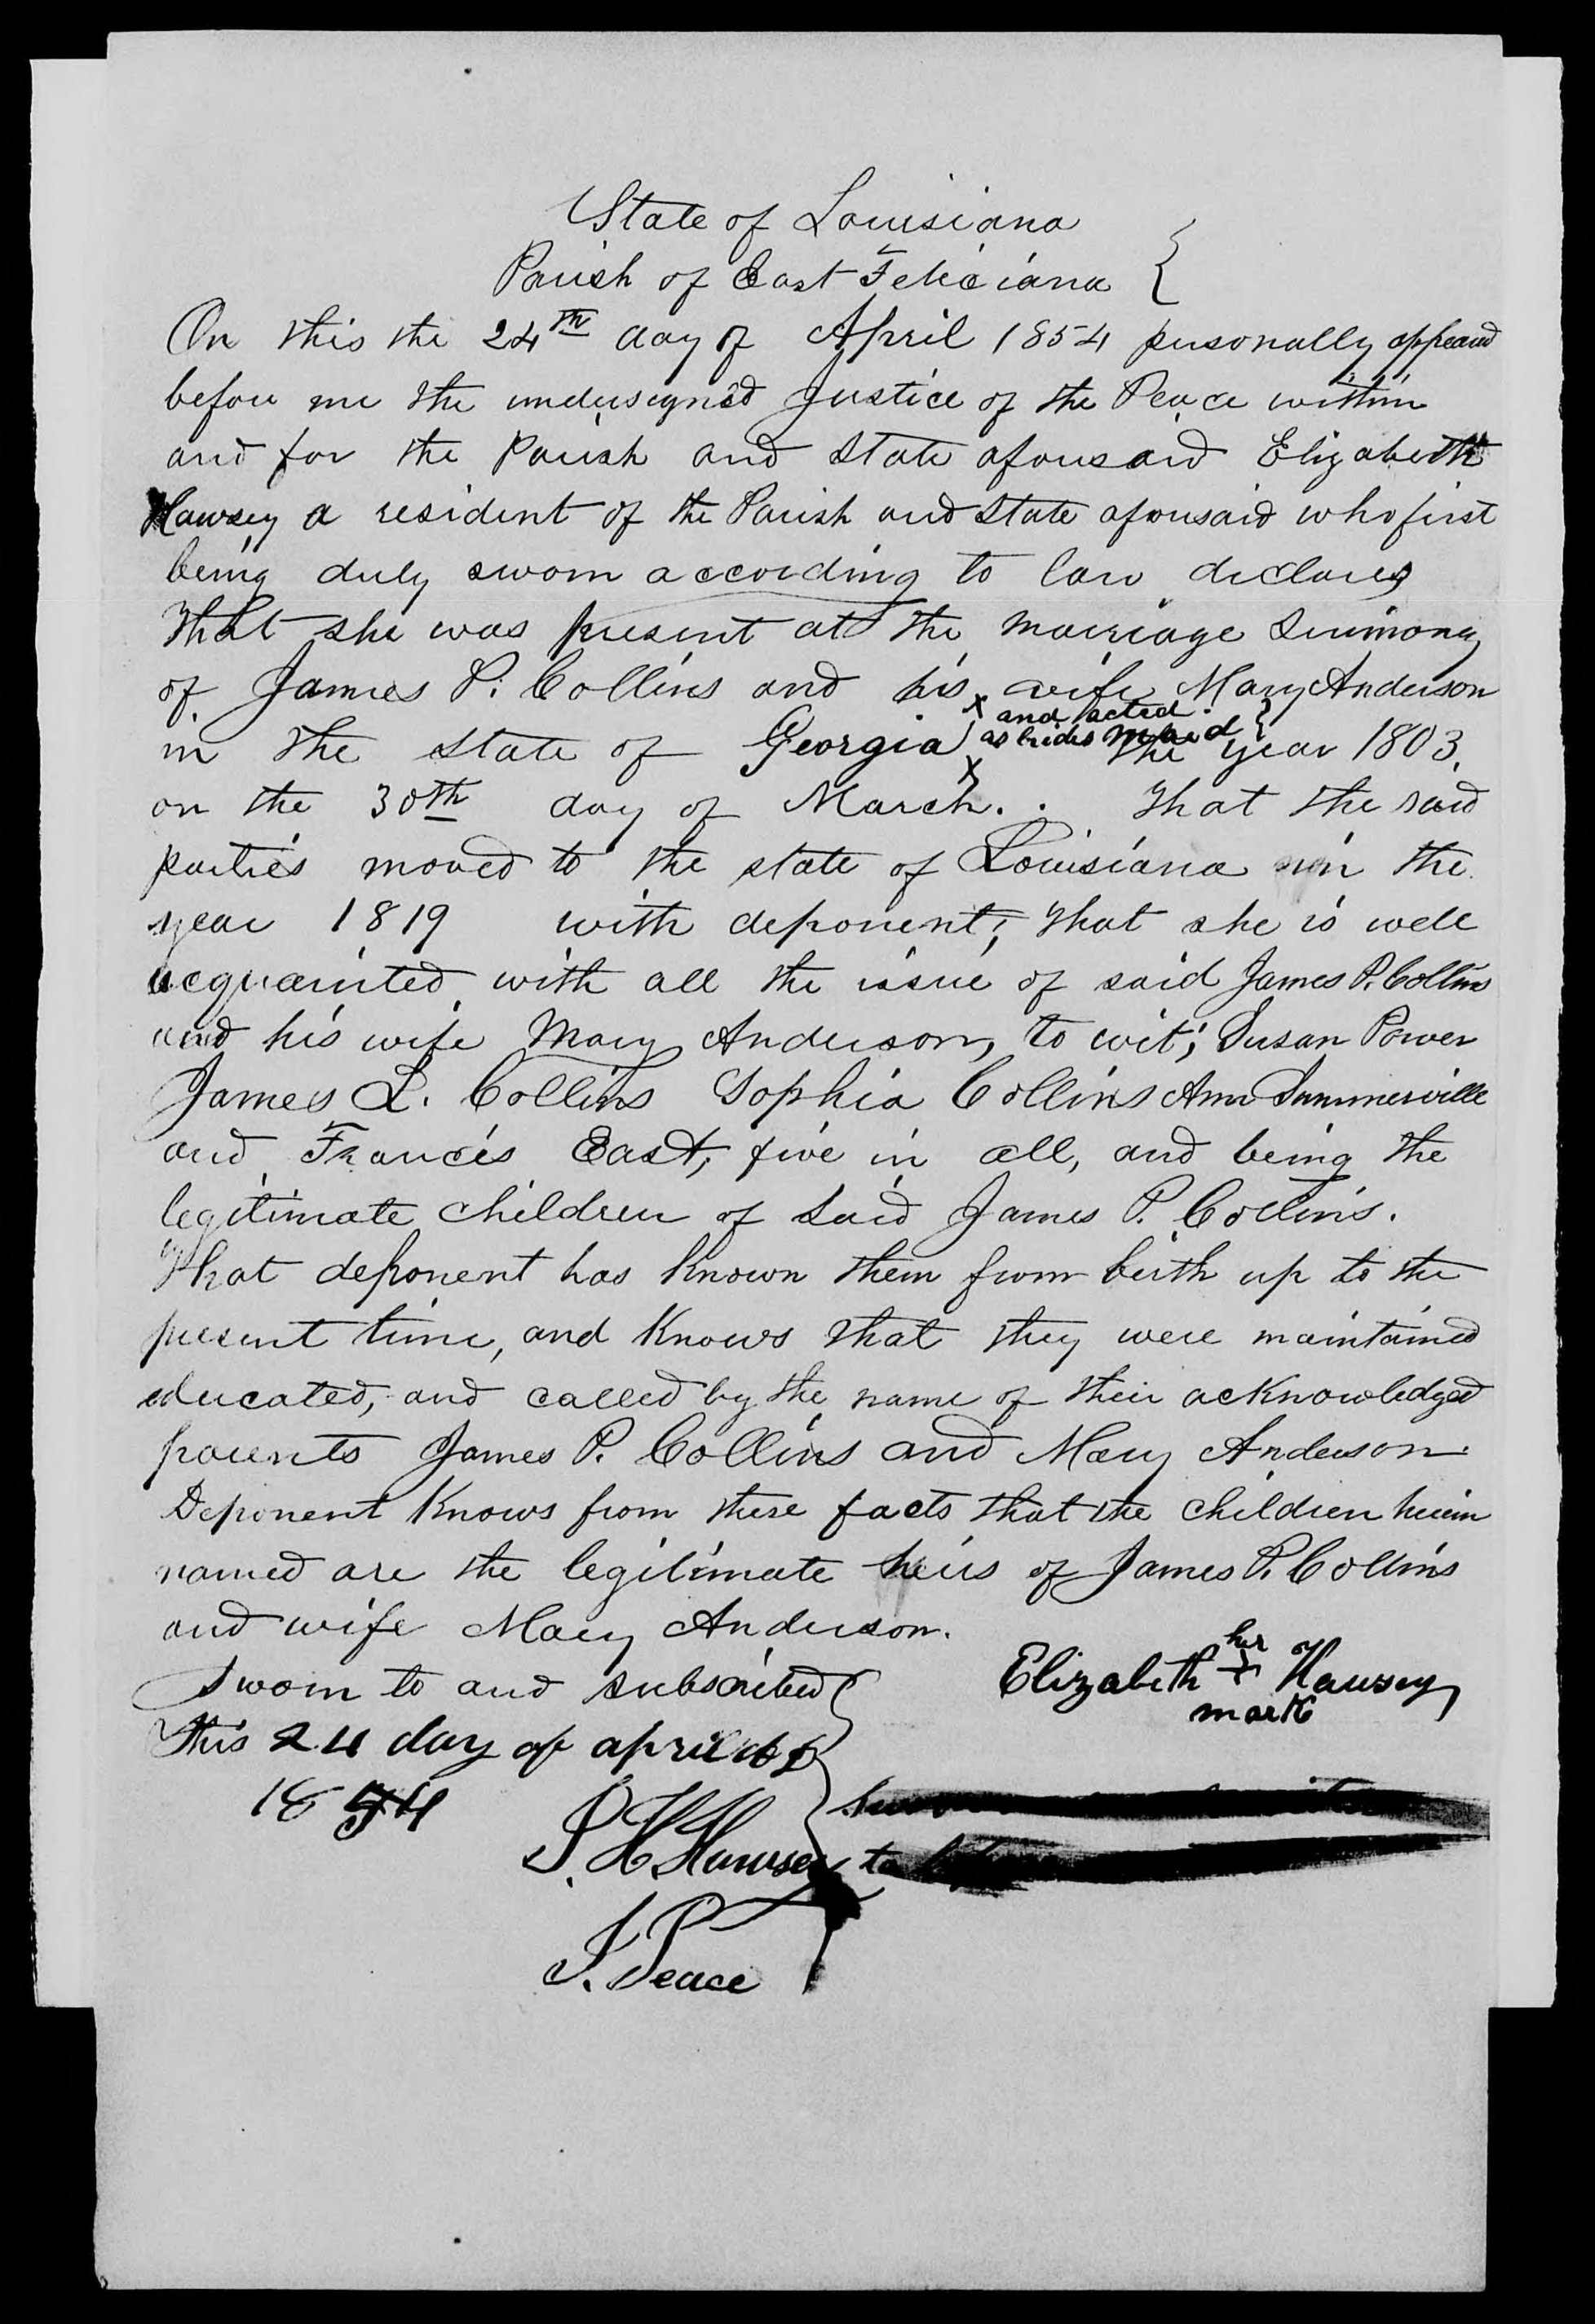State of Louisiana
Parish of East Feliciana
On this the 24th day of April 1854 personally appeared before me the undersigned Justice of the Peace within and for the Parish and State aforesaid Elizabeth Hawsey a resident of the Parish and state aforesaid who first being duly sworn according to law declares that she was present at the marriage serimony of James P. Collins and his wife Mary Anderson in the state of Georgia and acted as brides maid the year 1803, on the 30th day of March. That the said parties moved to the state of Louisiana in the year 1819 with deponent; That she is well acquainted with all the issue of said James P. Cotton and his wife Mary Anderson to wit; Susan Power James L. Collins Sophia Collins Ann Summerville and Francis East, five in all, and being the legitimate children of Said James P. Collins. That deponent has known them from birth up to the present time, and knows that they were maintained educated, and called by the name of their acknowledged parents James P. Collins and Mary Anderson. Deponent knows from these facts that the children herein named are the legitimate heirs of James P. Collins and wife Mary anderson.
Elizabeth her X mark Hawsey
Sworn to and subscribed
This 24 day of April AD 1854
J. H. Hawsey
J. Peace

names: James P Collins, James P Collins, Elizabeth Hawsey, James P Collins, Mary Anderson, James P Collins, Elizabeth Hawsey, James P Collins, Susan Power, Francis East, James P Collins, J H Hawsey, Mary Anderson, Ann Summerville, Sophia Collins, Mary Anderson, Mary Anderson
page: 42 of 48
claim: rejected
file: R. 2173, James P Collins, S. C.